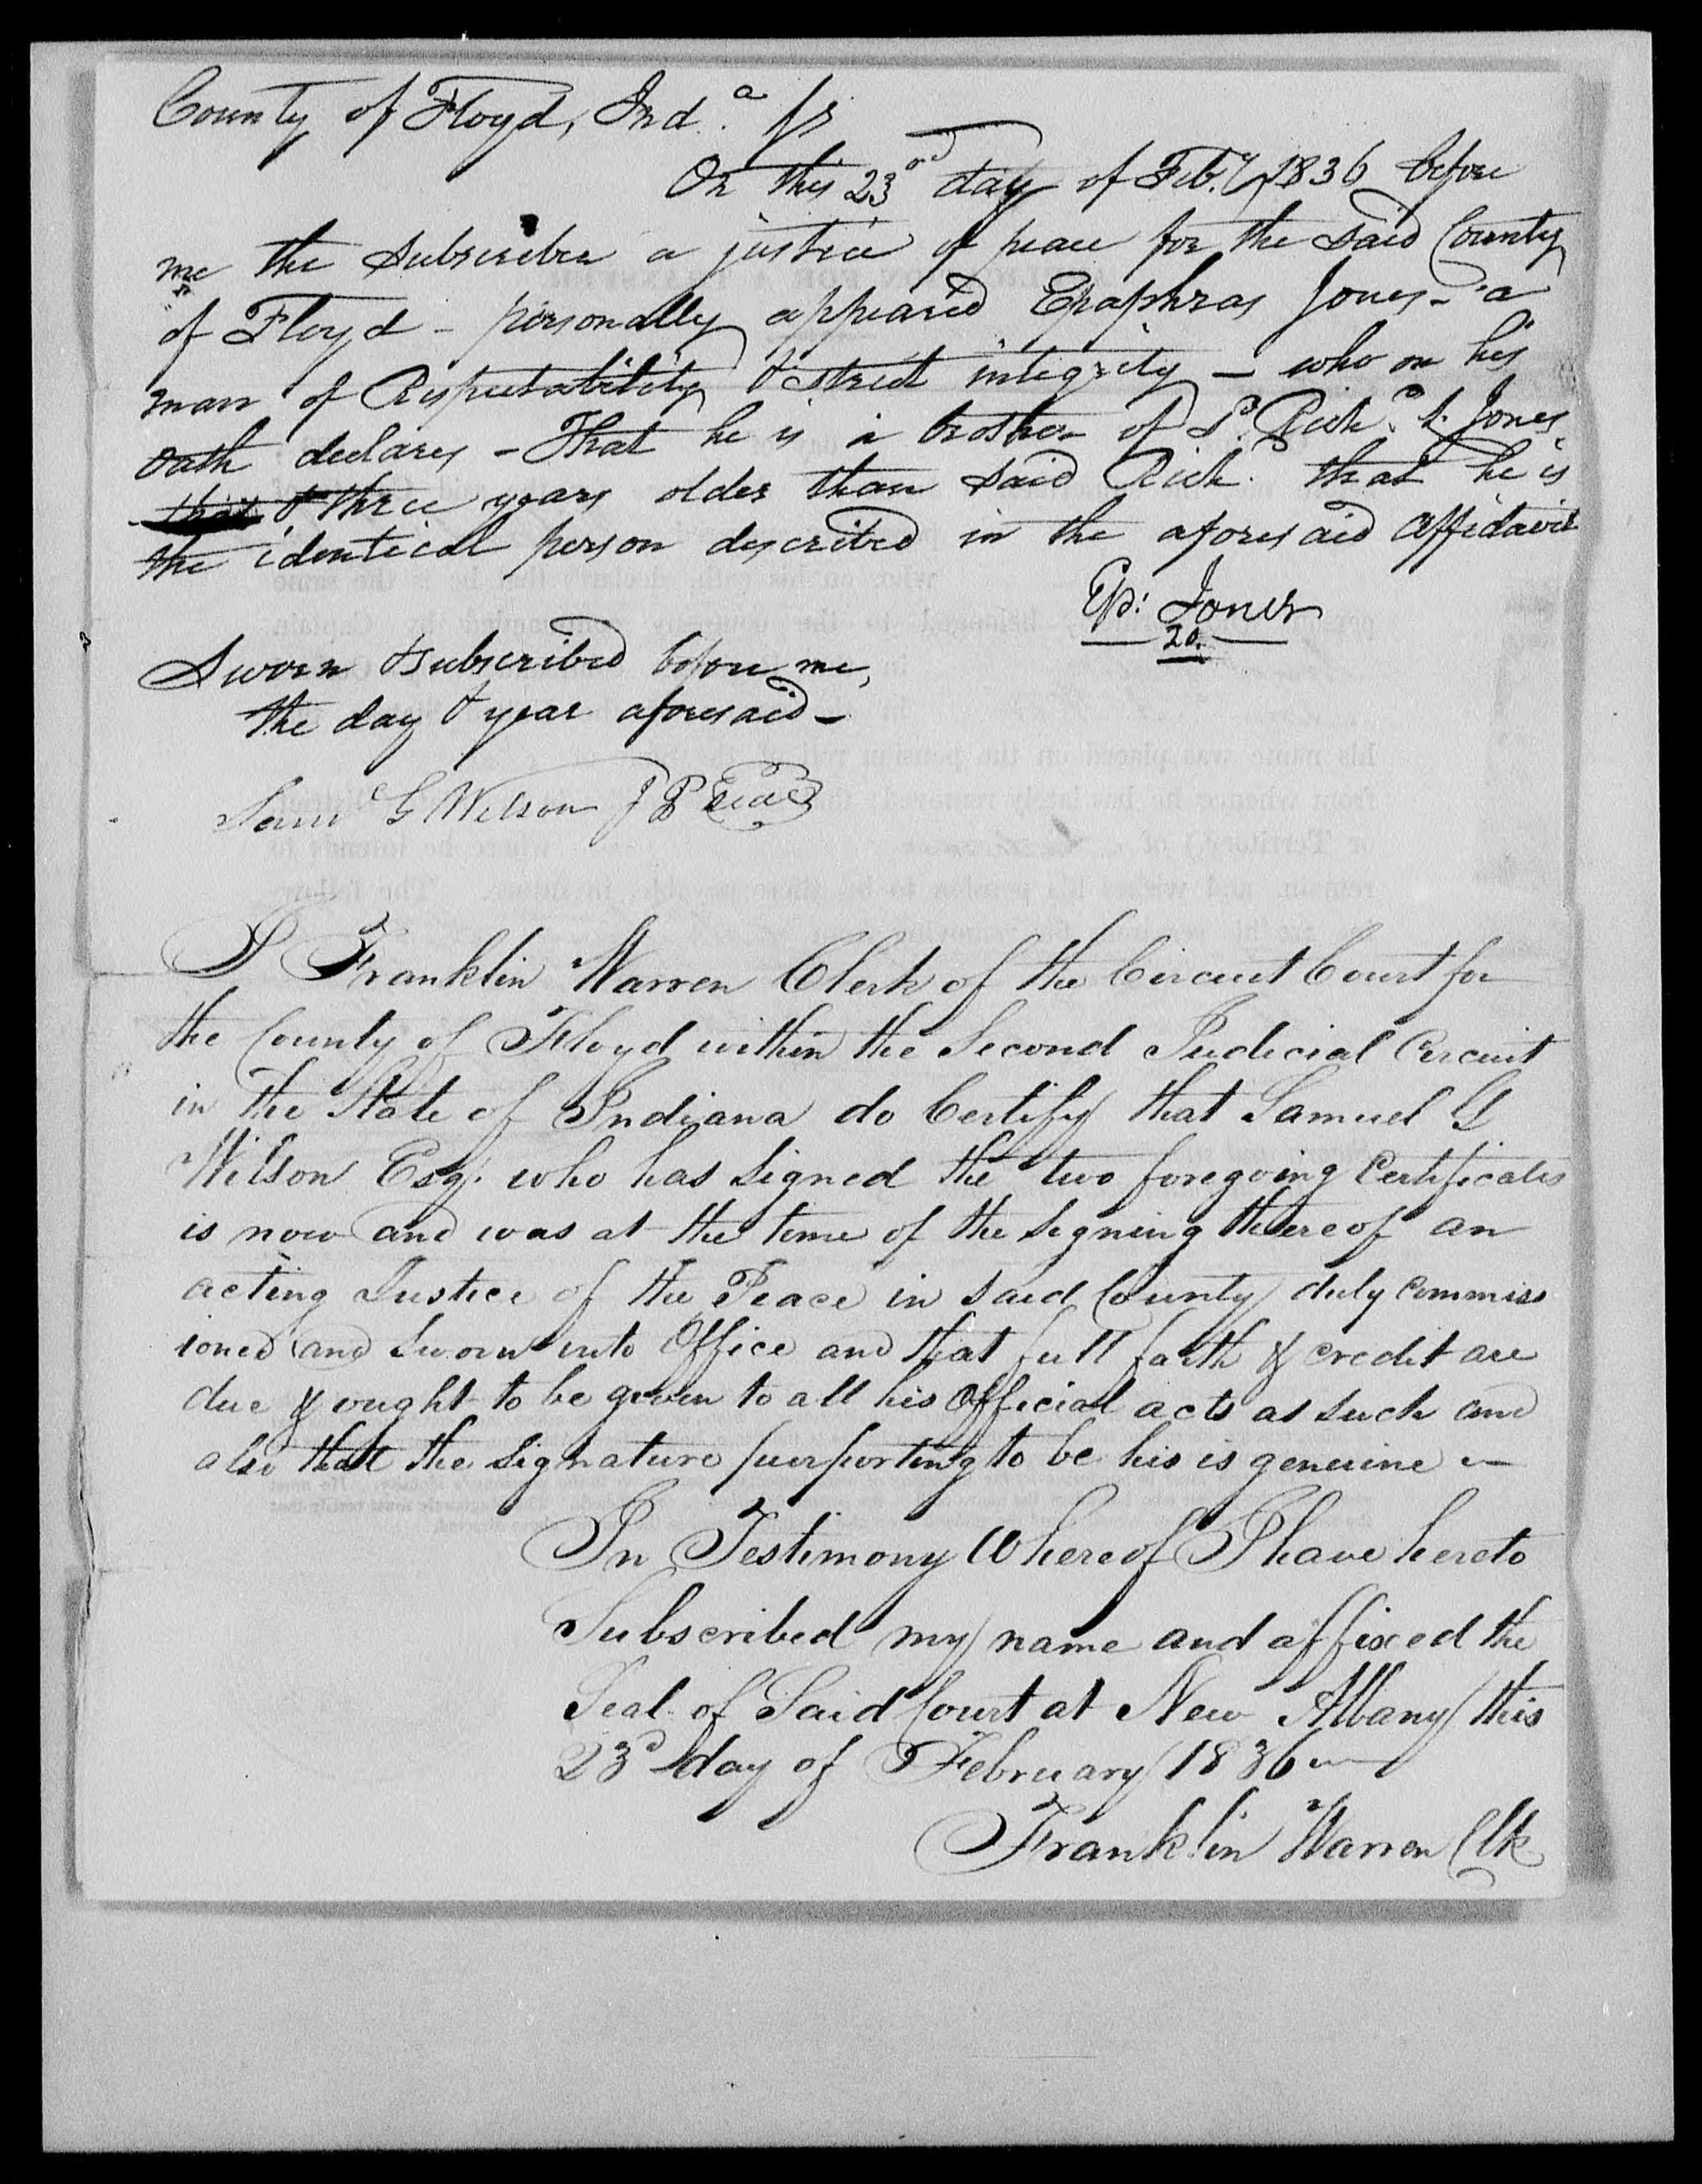County of Floyd, Ind ss.
On this 23 day of Feby 1836 before
me the subscriber a Justice of peace for the said County of Floyd personally appeared Eraphras Jones a man of Respectability & strict integrity who on his oath declares- That he is a brother of Sd Rich Jones three years older than said Rich that he is the identical person described in the aforesaid affidavit
Ep: Jones 
-20-
Sworn & subscribed
before me, the day and year aforesaid
Sam L Wilson JP [handwritten seal]
 
I Franklin Warren Clerk of the Circuit Court for
the County of Floyd within the Second Judicial Circuit in the State of Indiana do Certify that Samuel L Wilson Esq. who has signed the two foregoing certificates is now and was at the time of the signing thereof an acting Justice of the Peace in said County duly Commissioned and Sworn into office and that full faith & credit are due & ought to be given to all his official acts as such and also that the signature purporting to be his is genuine
In Testimony whereof I have hereto
Subscribed my name and affixed the
Seal of said Court at New Albany this
23d day of February 1836
Franklin Warren Clk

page: 52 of 62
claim: widow's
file: W. 765, for Richard L Jones, Connecticut